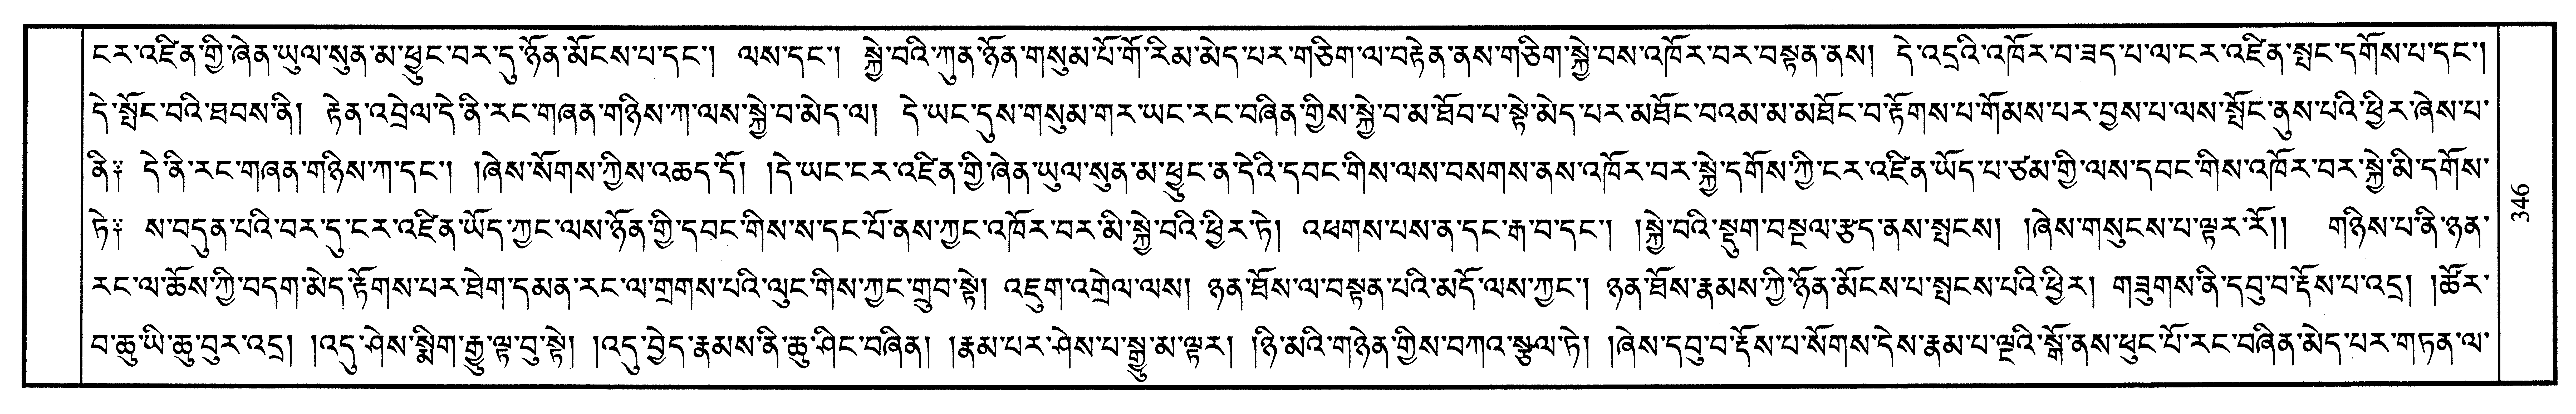ངར་འཛིན་གྱི་ཞེན་ཡུལ་སུན་མ་ཕྱུང་བར་དུ་ཉོན་མོངས་པ་དང་། ལས་དང་། སྐྱེ་བའི་ཀུན་ཉོན་གསུམ་པོ་གོ་རིམ་མེད་པར་གཅིག་ལ་བརྟེན་ནས་གཅིག་སྐྱེ་བས་འཁོར་བར་བསྟན་ནས། དེ་འདྲའི་འཁོར་བ་ཟད་པ་ལ་ངར་འཛིན་སྤང་དགོས་པ་དང་།
དེ་སྤོང་བའི་ཐབས་ནི། རྟེན་འབྲེལ་དེ་ནི་རང་གཞན་གཉིས་ཀ་ལས་སྐྱེ་བ་མེད་ལ། དེ་ཡང་དུས་གསུམ་གར་ཡང་རང་བཞིན་གྱིས་སྐྱེ་བ་མ་ཐོབ་པ་སྟེ་མེད་པར་མཐོང་བའམ་མ་མཐོང་བ་རྟོགས་པ་གོམས་པར་བྱས་པ་ལས་སྤོང་ནུས་པའི་ཕྱིར་ཞེས་པ་
ནི། དེ་ནི་རང་གཞན་གཉིས་ཀ་དང་། །ཞེས་སོགས་ཀྱིས་འཆད་དོ། །དེ་ཡང་ངར་འཛིན་གྱི་ཞེན་ཡུལ་སུན་མ་ཕྱུང་ན་དེའི་དབང་གིས་ལས་བསགས་ནས་འཁོར་བར་སྐྱེ་དགོས་ཀྱི་ངར་འཛིན་ཡོད་པ་ཙམ་གྱི་ལས་དབང་གིས་འཁོར་བར་སྐྱེ་མི་དགོས་
ཏེ། ས་བདུན་པའི་བར་དུ་ངར་འཛིན་ཡོད་ཀྱང་ལས་ཉོན་གྱི་དབང་གིས་ས་དང་པོ་ནས་ཀྱང་འཁོར་བར་མི་སྐྱེ་བའི་ཕྱིར་ཏེ། འཕགས་པས་ན་དང་རྒ་བ་དང་། །སྐྱེ་བའི་སྡུག་བསྔལ་རྩད་ནས་སྤངས། །ཞེས་གསུངས་པ་ལྟར་རོ།། གཉིས་པ་ནི་ཉན་
རང་ལ་ཆོས་ཀྱི་བདག་མེད་རྟོགས་པར་ཐེག་དམན་རང་ལ་གྲགས་པའི་ལུང་གིས་ཀྱང་གྲུབ་སྟེ། འཇུག་འགྲེལ་ལས། ཉན་ཐོས་ལ་བསྟན་པའི་མདོ་ལས་ཀྱང་། ཉན་ཐོས་རྣམས་ཀྱི་ཉོན་མོངས་པ་སྤངས་པའི་ཕྱིར། གཟུགས་ནི་དབུ་བ་རྡོས་པ་འདྲ། ཚོར་
བ་ཆུ་ཡི་ཆུ་བུར་འདྲ། །འདུ་ཤེས་སྨིག་རྒྱུ་ལྟ་བུ་སྟེ། །འདུ་བྱེད་རྣམས་ནི་ཆུ་ཤིང་བཞིན། །རྣམ་པར་ཤེས་པ་སྒྱུ་མ་ལྟར། །ཉི་མའི་གཉེན་གྱིས་བཀའ་སྩལ་ཏེ། །ཞེས་དབུ་བ་རྡོས་པ་སོགས་དེས་རྣམ་པ་ལྔའི་སྒོ་ནས་ཕུང་པོ་རང་བཞིན་མེད་པར་གཏན་ལ་